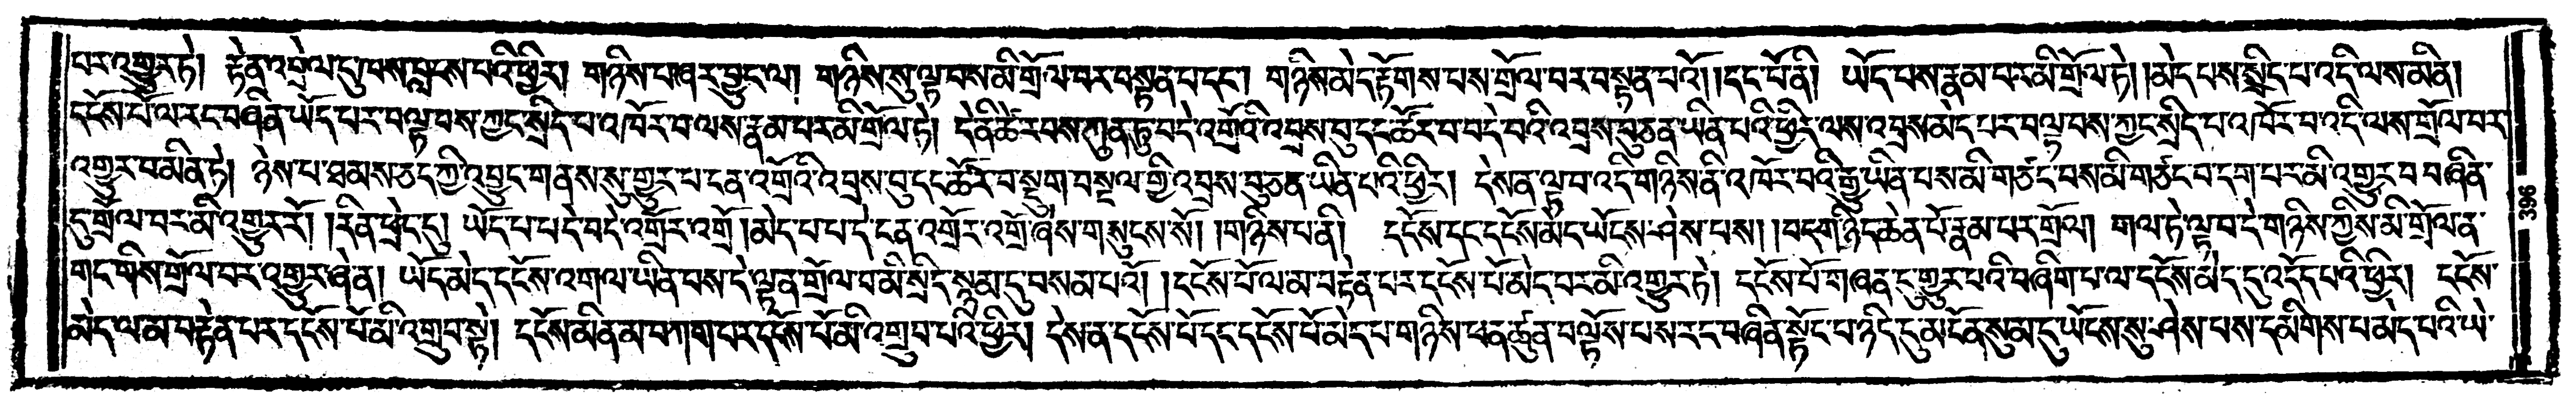པར་འགྱུར་ཏེ། རྟེན་འབྲེལ་དུ་ཁས་བླངས་པའི་ཕྱིར། གཉིས་པ་ཞར་བྱུང་ལ། གཉིས་སུ་ལྟ་བས་མི་གྲོལ་བར་བསྟན་པ་དང་། གཉིས་མེད་རྟོགས་པས་གྲོལ་བར་བསྟན་པའོ། །དང་པོ་ནི། ཡོད་པས་རྣམ་པར་མི་གྲོལ་ཏེ། །མེད་པས་སྲིད་པ་འདི་ལས་མིན།
དངོས་པོ་ལ་རང་བཞིན་ཡོད་པར་བལྟ་བས་ཀྱང་སྲིད་པ་འཁོར་བ་ལས་རྣམ་པར་མི་གྲོལ་ཏེ། དེ་ནི་ཚེ་རབས་ཀུན་ཏུ་བདེ་འགྲོའི་འབྲས་བུ་དང་ཚོར་བ་བདེ་བའི་འབྲས་བུ་ཅན་ཡིན་པའི་ཕྱིར་ལས་འབྲས་མེད་པར་བལྟ་བས་ཀྱང་སྲིད་པ་འཁོར་བ་འདི་ལས་གྲོལ་བར་
འགྱུར་བ་མིན་ཏེ། ཉེས་པ་ཐམས་ཅད་ཀྱི་འབྱུང་གནས་སུ་གྱུར་པ་ངན་འགྲོའི་འབྲས་བུ་དང་ཚོར་བ་སྡུག་བསྔལ་གྱི་འབྲས་བུ་ཅན་ཡིན་པའི་ཕྱིར། དེས་ན་ལྟ་བ་འདི་གཉིས་ནི་འཁོར་བའི་རྒྱུ་ཡིན་པས་མི་གཙང་བས་མི་གཙང་བ་དག་པར་མི་འགྱུར་བ་བཞིན་
དུ་གྲོལ་བར་མི་འགྱུར་རོ། །རིན་ཕྲེང་དུ། ཡོད་པ་པ་དེ་བདེ་འགྲོར་འགྲོ་།མེད་པ་པ་དེ་ངན་འགྲོར་འགྲོ་ཞེས་གསུངས་སོ། །གཉིས་པ་ནི། དངོས་དང་དངོས་མེད་ཡོངས་ཤེས་པས། །བདག་ཉིད་ཆེན་པོ་རྣམ་པར་གྲོལ། གལ་ཏེ་ལྟ་བ་དེ་གཉིས་ཀྱིས་མི་གྲོལ་ན་
གང་གིས་གྲོལ་བར་འགྱུར་ཞེ་ན། ཡོད་མེད་དངོས་འགལ་ཡིན་པས་དེ་ལྟ་ན་གྲོལ་བ་མི་སྲིད་སྙམ་དུ་བསམ་པའོ། །དངོས་པོ་ལ་མ་བརྟེན་པར་དངོས་པོ་མེད་བར་མི་འགྱུར་ཏེ། དངོས་པོ་གཞན་དུ་གྱུར་པའི་བཞིག་པ་ལ་དངོས་མེད་དུ་འདོད་པའི་ཕྱིར། དངོས་
མེད་ལ་མ་བརྟེན་པར་དངོས་པོ་མི་འགྲུབ་སྟེ། དངོས་མིན་མ་བཀག་པར་དངོས་པོ་མི་འགྲུབ་པའི་ཕྱིར། དེས་ན་དངོས་པོ་དང་དངོས་པོ་མེད་པ་གཉིས་ཕན་ཚུན་བལྟོས་པས་རང་བཞིན་སྟོང་པ་ཉིད་དུ་མངོན་སུམ་དུ་ཡོངས་སུ་ཤེས་པས་དམིགས་པ་མེད་པའི་ཡེ་